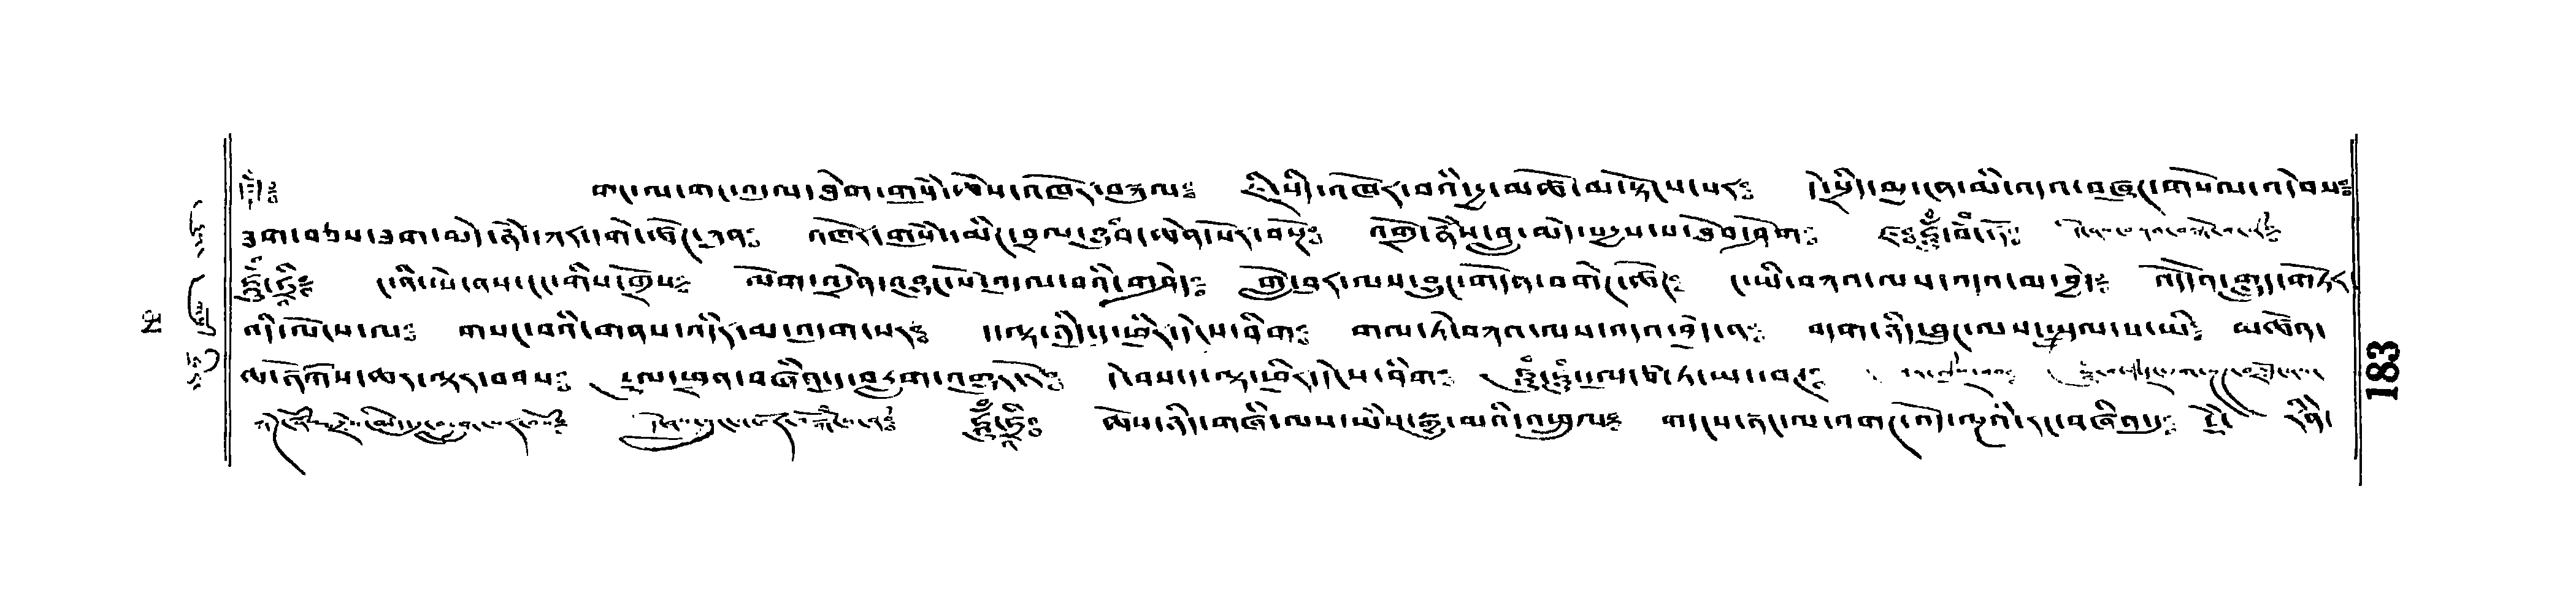གང་ལ་གང་འདུལ་ཐེག་གསུམ་ཆོས་འཁོར་བསྐུལ༔ ཇི་སྲིད་འཁོར་བའི་རྒྱ་མཚོ་མ་སྟོངས་པར༔ དེ་སྲིད་མྱ་ངན་མི་འདའ་བཞུགས་གསོལ་འདེབས༔ 
ཟག་བཅས་ཟག་མེད་རྣམ་དཀར་དགེ་ཚོགས་ཀུན༔ འཁོར་གསུམ་དམིགས་བྲལ་བྱང་ཆུབ་ཆེན་པོར་བསྔོ༔ འགྲོ་རྣམས་བླ་མེད་སངས་རྒྱས་པ་ཐོབ་ཤོག༔ ཛཿཧཱུྃ་བྃ་ཧོཿ དེ་ནས་བཀའ་བསྒོ་བ་ནི༔ 
ཧཱུྃ་ཧྲཱིཿ ང་ནི་ཡེ་ནས་ངང་གིས་ཁྲོས༔ ལོག་འདྲེན་འབྱུང་པོ་འདུལ་བའི་གཤེད༔ གློ་བུར་ལས་བྱུང་གདོན་བགེགས་ཚོགས༔ ང་ཡི་བཀའ་ལས་འདའ་མ་བྱེད༔ འདོད་ཡོན་གླུད་གཏོར་
འདི་ལོངས་ལ༔ གསང་བའི་གནས་འདིར་མ་འདུག་པར༔ ད་ལྟ་ཉིད་དུ་ཕྱིར་དེངས་ཤིག༔ གལ་ཏེ་བཀའ་ལས་འདའ་བྱེད་ན༔ བདག་ཉིད་ཐུགས་ལས་སྤྲུལ་པ་ཡི༔ མཚོན་
ཆ་སྣ་ཚོགས་ཆར་ལྟར་བབས༔ རྡུལ་ཕྲན་བཞིན་དུ་བརླག་འགྱུར་རོ༔ དེ་བས་ད་ལྟ་ཕྱིར་དེངས་ཤིག༔ ཧཱུྃ་ཧཱུྃ་ཨུ་ཙ་ཏ་ཡ་ཕཊཿ ཐུན་གྱིས་བྲབ༔ ཧཱུྃ་བཞི་དང་དྲག་སྔགས་བརྗོད་ནས་
གེགས་རྣམས་རྗེས་མེད་དུ་བརླག་པར་བསམ༔དེ་ནས་སྲུང་འཁོར་བསྒོམ་པ་ནི༔ ཧཱུྃ་ཧྲཱིཿ ཆོས་ཉིད་གཞི་ལས་ཡེ་ཤེས་སྒྱུ་མའི་འཕྲུལ༔ གདངས་སྣང་མ་འགགས་འདོ་ལྔའི་རང་བཞིན་དུཿ རྡོ་རྗེ་རེིན་ཆེན་